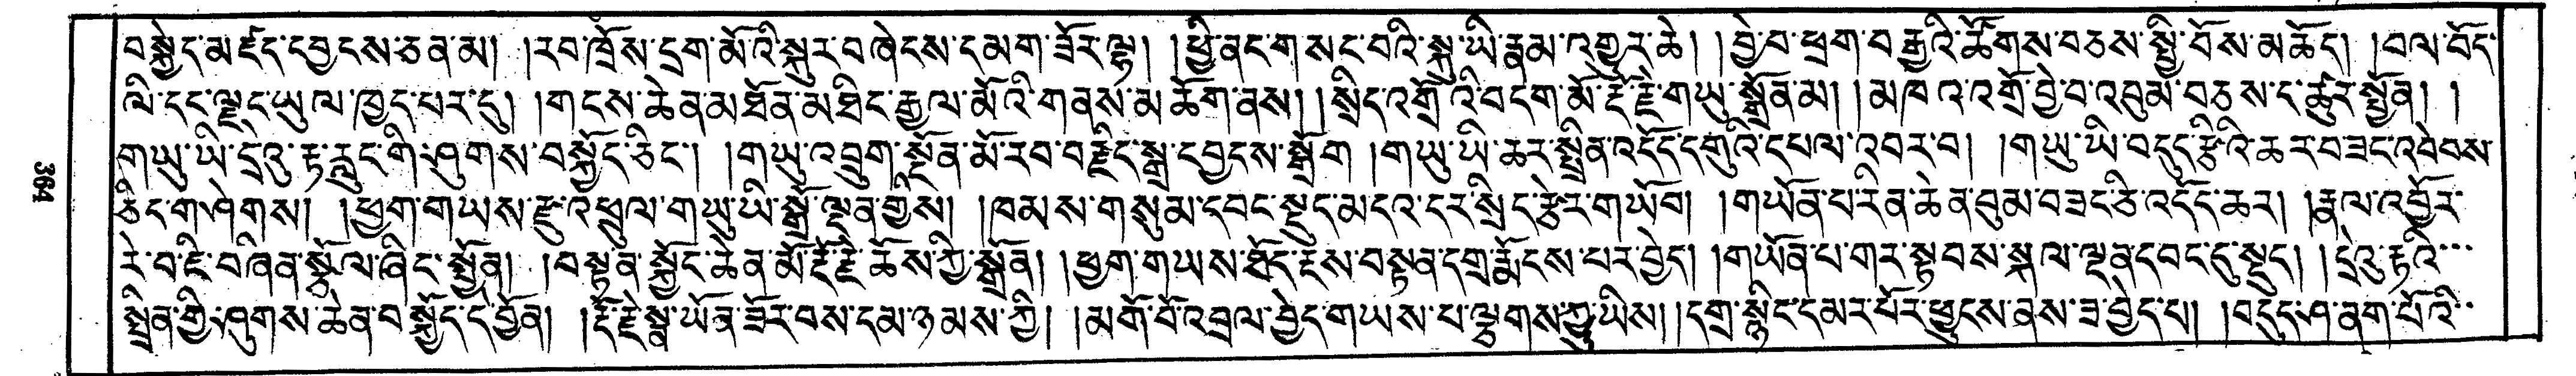བསྐྱེད་མཛད་དབྱངས་ཅན་མ། །རབ་ཁྲོས་དྲག་མོའི་སྐུར་བཞེངས་དམག་ཟོར་ལྷ། །ཕྱི་ནང་གསང་བའི་སྐུ་ཡི་རྣམ་འགྱུར་ཆེ། །བྱེ་བ་ཕྲག་བརྒྱའི་ཚོགས་བཅས་སྤྱི་བོས་མཆོད། །བལ་བོད་
ལི་དང་ལྗང་ཡུལ་ཁྱད་པར་དུ། །གངས་ཆེན་མཐོན་མཐིང་རྒྱལ་མོའི་གནས་མཆོག་ནས། །སྲིད་འགྲོའི་བདག་མོ་རྡོ་རྗེ་གཡུ་སྒྲོན་མ། །མཁའ་འགྲོ་བྱེ་བ་འབུམ་བཅས་ད་ཚུར་སྤྱོན།།
གཡུ་ཡི་དྲེའུ་རྟ་རླུང་གི་ཤུགས་བསྐྱོད་ཅིང་། །གཡུ་འཕྲུག་སྔོན་མོ་རབ་བརྗིད་སྒྲ་དབྱངས་སྒྲོག །གཡུ་ཡི་ཆར་སྤྲིན་འདོད་དགུའི་དཔལ་འབར་བ། །གཡུ་ཡི་བདུད་རྩིའི་ཆར་བཟང་འཕེབས་
ཅིང་གཤེགས། །ཕྱག་གཡས་རྫུ་འཕྲུལ་གཡུ་ཡི་སྒྲོ་ལྡན་གྱིས། །ཁམས་གསུམ་དབང་སྡུད་མདའ་དར་སྲིད་རྩེར་གཡོབ། །གཡོན་པ་རིན་ཆེན་བུམ་བཟང་ཅི་འདོད་ཆར། །རྣལ་འབྱོར་
རེ་བ་ཇི་བཞིན་སྩོལ་ཞིང་སྤྱོན། །བསྟན་སྐྱོང་ཆེན་མོ་རྡོ་རྗེ་ཆོས་ཀྱི་སྒྲོན། །ཕྱག་གཡས་ཐོད་རྡས་བསྟན་དགྲ་རྨོངས་པར་བྱེད། །གཡོན་པ་གར་སྟབས་སྐལ་ལྡན་དབང་དུ་སྡུད། །དྲེའུ་རྟའི་
སྤྲིན་གྱི་ཤུགས་ཆེན་བསྐྱོད་དེ་བྱོན། །རྡོ་རྗེ་སྣ་ཡོན་ཟོར་བས་དམ་ཉམས་ཀྱི། །མགོ་བོ་འབྲལ་བྱེད་གཡས་པ་ལྕགས་ཀྱུ་ཡིས། །དགྲ་སྙིང་དམར་པོར་ཕྱུངས་ནས་ཟ་བྱེད་པ། །བདུད་ཤ་ན་ག་པོའི་